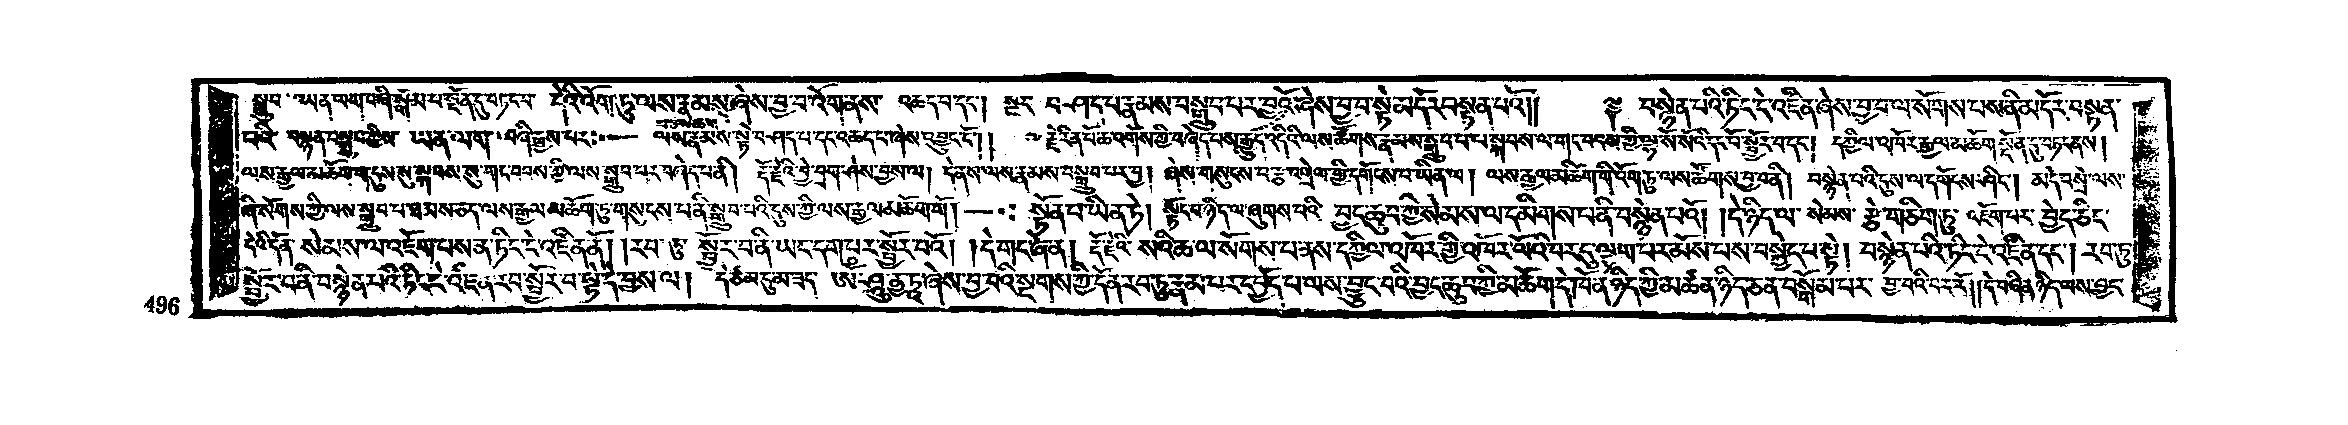སྒྲུབ་ཡན་ལག་བཞི་སྒོམ་པ་སྔོན་དུ་བཏང་པ་དེའི་འོག་ཏུ་ལས་རྣམས་ཞེས་བྱ་བ་འོག་ནས་འཆད་པ་དང་། སྔར་བཤད་པ་རྣམས་བསྒྲུབ་པར་བྱའོ་ཞེས་བྱ་བ་སྟེ་མདོར་བསྟན་པའོ།། ༈ བསྙེན་པའི་ཏིང་ངེ་འཛིན་ཞེས་བྱ་བ་ལ་སོགས་པས་ནི་མདོར་བསྟན་
པའི་བསྙེན་བསྒྲུབ་ཀྱིས་ཡན་ལག་བཞི་རྒྱས་པརཿ་པ་ཚབ་ཆག་ལས་རྣམས་སྟེ་བཤད་པ་དང་འཆད་པ་ཞེས་འབྱུང་ངོ། །༧་རྗེ་རིན་པོ་ཆེ་འགོས་ཀྱི་བཞེད་པས་རྒྱུད་འདིའི་ལས་ཚོགས་རྣམས་སྒྲུབ་པ་ལ་སྐབས་ལ་གང་བབས་ཀྱི་ལྷ་སོ་སོའི་དང་པོ་སྦྱོར་བ་དང་། དཀྱིལ་འཁོར་རྒྱལ་མཆོག་སྔོན་དུ་བཏང་ནས།
ལས་རྒྱལ་མཆོག་གི་དུས་སུ་སྐབས་སུ་གང་བབས་ཀྱི་ལས་སྒྲུབ་པར་བཞེད་པ་ནི། རྡོ་རྗེའི་བྱེ་བྲག་ཤེས་བྱས་ལ། དེ་ནས་ལས་རྣམས་བསྒྲུབ་པར་བྱ། ཞེས་གསུངས་པ་རྩ་འགྲེལ་གྱི་དགོངས་པ་ཡིན་ལ། ལས་རྒྱལ་མཆོག་གི་འོག་ཏུ་ལས་ཚོགས་བྱ་བ་ནི། བསྙེན་པའི་དུས་ལ་དགོངས་ཤིང་། མེད་བསྲེ་ལས་
ཞི་སོགས་ཀྱི་ལས་སྒྲུབ་པ་ཐམས་ཅད་ལས་རྒྱལ་མཆོག་ཏུ་གསུངས་པ་ནི་སྒྲུབ་པའི་དུས་ཀྱི་ལས་རྒྱལ་མཆོག་གོ། .H སྟོན་པ་ཡིན་ཏེ། སྟོང་པ་ཉིད་ལ་ཞུགས་པའི་བྱང་ཆུབ་ཀྱི་སེམས་ལ་དམིགས་པ་ནི་བསྙེན་པའོ། །དེ་ཉིད་ལ་སེམས་རྩེ་གཅིག་ཏུ་འཇོག་པར་བྱེད་ཅིང་
དེའི་དོན་སེམས་ལ་འཇོག་པས་ན་ཏིང་ངེ་འཛིན་ནོ། །རབ་ཏུ་སྦྱོར་བ་ནི་ཡང་དག་པར་སྦྱོར་བའོ། །དེ་གང་ཞེ་ན། རྡོ་རྗེའི་སའི་ཆ་ལ་སོགས་པ་ནས་དཀྱིལ་འཁོར་གྱི་འཁོར་ལོའི་བར་དུ་ལྷག་པར་མོས་པས་བསྐྱེད་པ་སྟེ། བསྙེན་པའི་ཏིང་ངེ་འཛིན་དང་། རབ་ཏུ་
སྦྱོར་བ་ནི་བསྙེན་པའི་ཏིང་ངེ་འཛིན་རབ་སྦྱོར་བ་སྟེ་དེ་བྱས་ལ། དེ་ཙམ་དུ་མ་ཟད་ཨོཾ་ཤཱུ་ནྱ་ཏཱ་ཞེས་བྱ་བའི་སྔགས་ཀྱི་དོན་རབ་ཏུ་རྣམ་པར་དཔྱོད་པ་ལས་བྱུང་བའི་བྱང་ཆུབ་ཀྱི་མཆོག་དེ་ཁོ་ན་ཉིད་ཀྱི་མཚན་ཉིད་ཅན་བསྒོམ་པར་བྱ་བའི་བར་རོ། །དེ་བཞིན་ཉིད་ལས་བྱང་